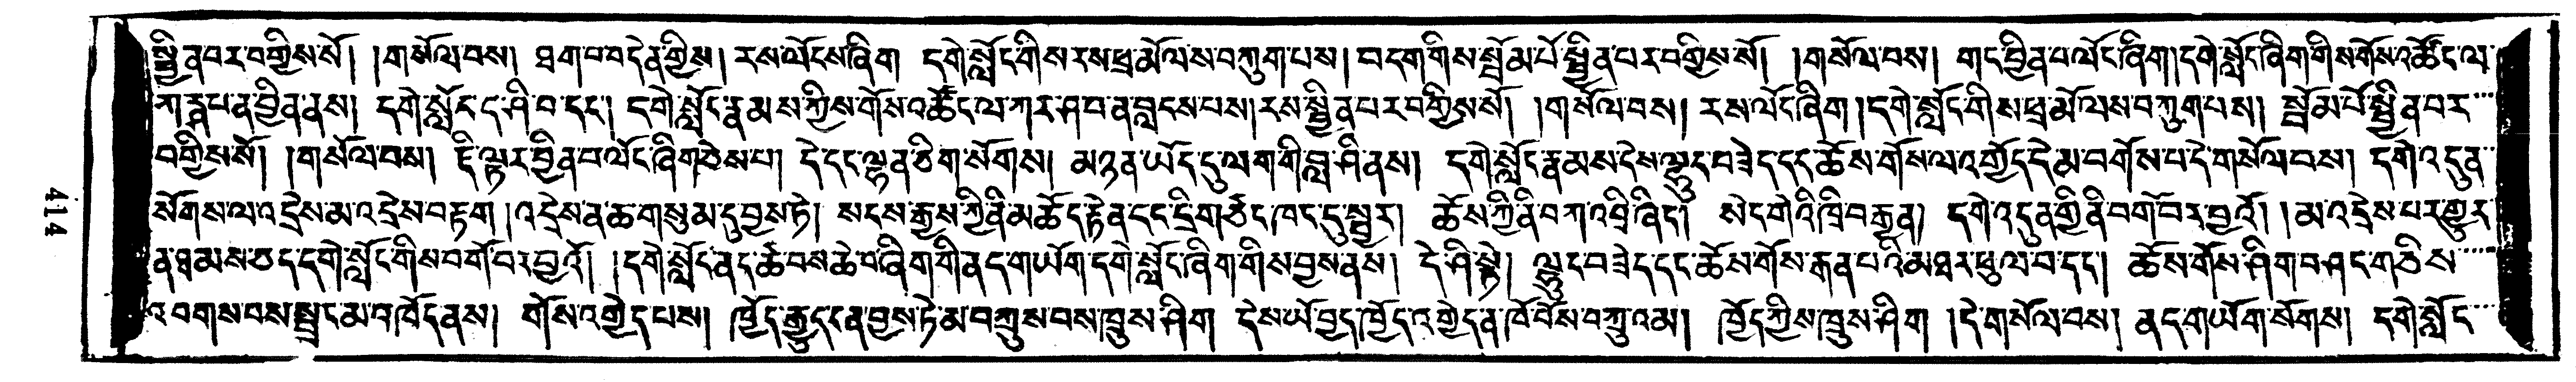སྦྱིན་བར་བགྱིས་སོ། །གསོལ་བས། ཐག་བ་བདེན་གྱིས། རས་ལོངས་ཞིག་དགེ་སློང་གིས་རས་ཕྲ་མོ་ལས་བཀུག་པས། བདག་གིས་སྦོམ་པོ་སྦྱིན་པར་བགྱིས་སོ། །གསོལ་བས། གང་བྱིན་པ་ལོང་ཞིག །དགེ་སློང་ཞིག་གིས་གོས་འཚོང་ལ་
ཀརྴ་པ་ན་བྱིན་ནས། དགེ་སློང་ད་ཤི་བ་དང་། དགེ་སློང་རྣམས་ཀྱིས་གོས་འཚོང་ལ་ཀར་ཤ་བ་ན་བླངས་པས། རས་སྦྱིན་པར་བགྱིས་སོ། །གསོལ་བས། རས་ལོང་ཞིག །དགེ་སློང་གིས་ཕྲ་མོ་ལས་བཀུག་པས། སྦོམ་པོ་སྦྱིན་པར་
བགྱིས་སོ། །གསོལ་བས། ཇི་ལྟར་བྱིན་པ་ལོང་ཞིག་ཅེས་པ། དེ་དང་ལྷན་ཅིག་སོགས། མཉན་ཡོད་དུ་ལག་གི་བླ་ཤི་ནས། དགེ་སློང་རྣམས་དེས་ལྷུང་བཟེད་དང་ཆོས་གསོལ་འགྱོད་དེ་མ་བགོས་པ་དེ་གསོལ་བས། དགེ་འདུན་
སོགས་ལ་འདྲེས་མ་འདྲེས་བརྟག །འདྲེས་ན་ཆ་གསུམ་དུ་བྱས་ཏེ། སངས་རྒྱས་ཀྱི་ནི་མཆོད་རྟེན་དང་དྲི་གཙང་ཁང་དུ་སྦྱར། ཆོས་ཀྱི་ནི་བཀ?་འབྲི་ཞིང་། སེང་གེའི་ཁྲི་བརྒྱན། དགེ་འདུན་གྱི་ནི་བགོ་བར་བྱའོ། །མ་འདྲེས་པར་གྱུར་
ན་ཐམས་ཅད་དགེ་སློང་གིས་བགོ་བར་བྱའོ། །དགེ་སློང་ནད་ཚ་བས་ཆེ་བ་ཞིག་གི་ནད་གཡོག་དགེ་སློང་ཞིག་གིས་བྱས་ནས། དེ་ཤི་སྟེ། ལྷུང་བཟེད་དང་ཆོས་གོས་རྒན་པའི་མཐར་ཕུལ་བ་དང་། ཆོས་གོས་ཤིག་བཤང་གཅིས་
འབགས་པས་སྦྲང་མ་འཁོད་ནས། གོས་འགྱེད་པས། ཁྱོད་རྒྱུད་ངན་བྱས་ཏེ་མ་བཀྲུས་བས་ཁྲུས་ཤིག་དེས་ཡོ་བྱད་ཁྱོད་འགྱེད་ན་ཁོ་བོས་བཀྲུ་འམ། ཁྱོད་ཀྱིས་ཁྲུས་ཤིག །དེ་གསོལ་བས། ནད་གཡོག་སོགས། དགེ་སློང་